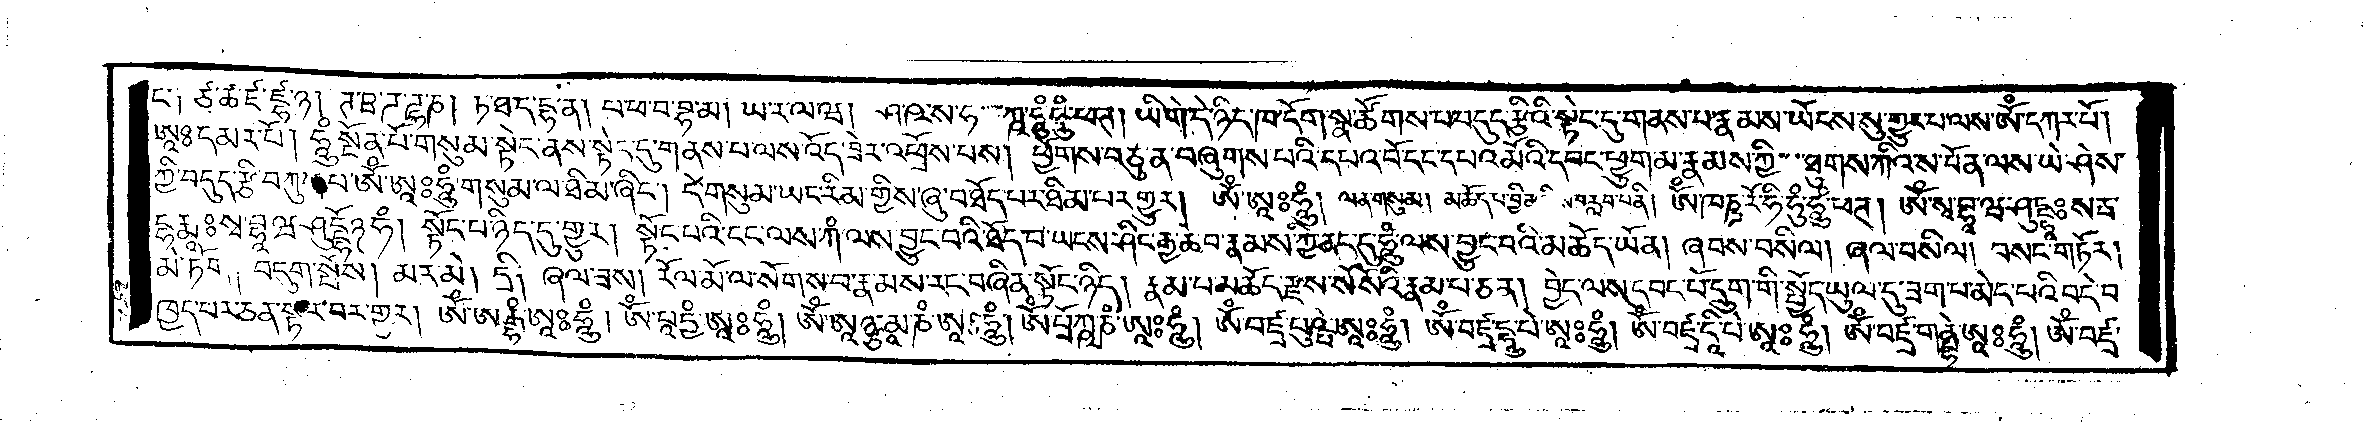ང༑ ཙ་ཚ་ཛ་ཛྷ་ཉ། ཊ་ཊཿཨ་ཌ་ཌྷ་ཎ། ཏ་ཐ་ད་དྷ་ན། པ་ཕ་བ་བྷ་མ། ཡ་ར་ལ་ཝ། ཤ་ཥ་ས་ཧ་ཀྵ་ཧཱུཾ་ཧཱུཾ་ཕཊ། ཡི་གེ་དེ་ཉིད་ཧ་དོག་སྣ་ཚོགས་པ་བདུད་རྩིའི་སྟེང་དུ་གནས་པ་རྣམས་ཡོངས་སུ་གྱུར་པ་ལས་ཨོཾ་དཀར་པོ།
ཨཱཿདམར་པོ། ཧཱུཾ་སྔོན་པོ་གསུམ་སྟེང་ནས་སྟེང་དུ་གནས་པ་ལས་འོད་ཟེར་འཕྲོས་པས། ཕྱོགས་བཙུན་བཞུགས་པའི་དཔའ་བོ་དང་དཔའ་མོའི་དབང་ཕྱུག་མ་རྣམས་ཀྱི་ཐུགས་ཀཱི་ས་བོན་ལས་ཡེ་ཤེས་
ཀྱི་བདུད་རྩི་བཀུག་པ་ཨོཾ་ཨཱཿ གསུམ་ལ་ཐིམ་ཞིང་། དེ་གསུམ་ཡང་རིམ་གྱིས་ཞུ་བ་ཐོད་པར་ཐིམ་པར་གྱུར། ཨོཾ་ཨཱཿཧཱུཾ་ལན་གསུམ། མཆོད་པ་བྱིན་ཡིས་བརླབ་པ་ནི།  ཨོཾ་ཁཎྜ་རོ་ཧི་ཧུཾ་ཧཱུཾ་ཕཊ། ཨོཾ་སཱ་བྷཱ་ཝ་ཤུདྡྷཱཿསརྦ་
དྷརྨཱཿསྭ་བྷཱཝ་ཤུདྡྷོཉྷཾ། སྟོང་པ་ཉིད་དུ་གྱུར། སྟོང་བའི་ངང་ལས་ཀཾ་ལས་བྱུང་བའི་ཐོད་བ་ཡངས་ཤིང་རྒྱ་ཆེ་བ་རྣམས་ཀྱི་ནང་དུ་ཧཱུཾ་ལས་བྱུང་བའི་མཆོད་ཡོན། ཞབས་བསིལ། ཞལ་བསིལ། བསང་གཏོར།
མེ་ཏོག། བདུག་སྤོས། མར་མེ། དྲི། ཞལ་ཟས། རོལ་མོ་ལ་སོགས་བ་རྣམས་རང་བཞིན་སྟོང་ཉིད། རྣམ་པ་མཆོད་རྫས་སོ་སོའི་རྣམ་པ་ཅན། བྱེད་ལས་དབང་པོ་དྲུག་གི་སྤྱོད་ཡུལ་དུ་ཟག་པ་མེད་པའི་བདེ་བ་
ཁྱད་པར་ཅན་སྟར་བར་གྱུར། ཨོཾ་ཨརྒྷཾ་ཨཱཿ ཧཱུཾ། ཨོཾ་པཱདྱཾ་ཨཱཿཧཱུཾ། ཨོཾ་ཨཱཉྩ་མཱ་ཎཾ་ཨཱཿཧཱུཾ། ཨོཾ་བཛྲ་བུའེ་ཨཱཿཧཱཾ། ཨོཾ་བཛྲ་དྷཱུ་པེ་ཨཱཿཧཱུཾ། ཨོཾ་བཛྲ་དཱི་པེ་ཨཱཿཧཱུམ། ཨོཾ་བཛྲ་གནྡྷེ་ཨཱཿཧཱུཾ། ཨོཾ་བཛྲ་